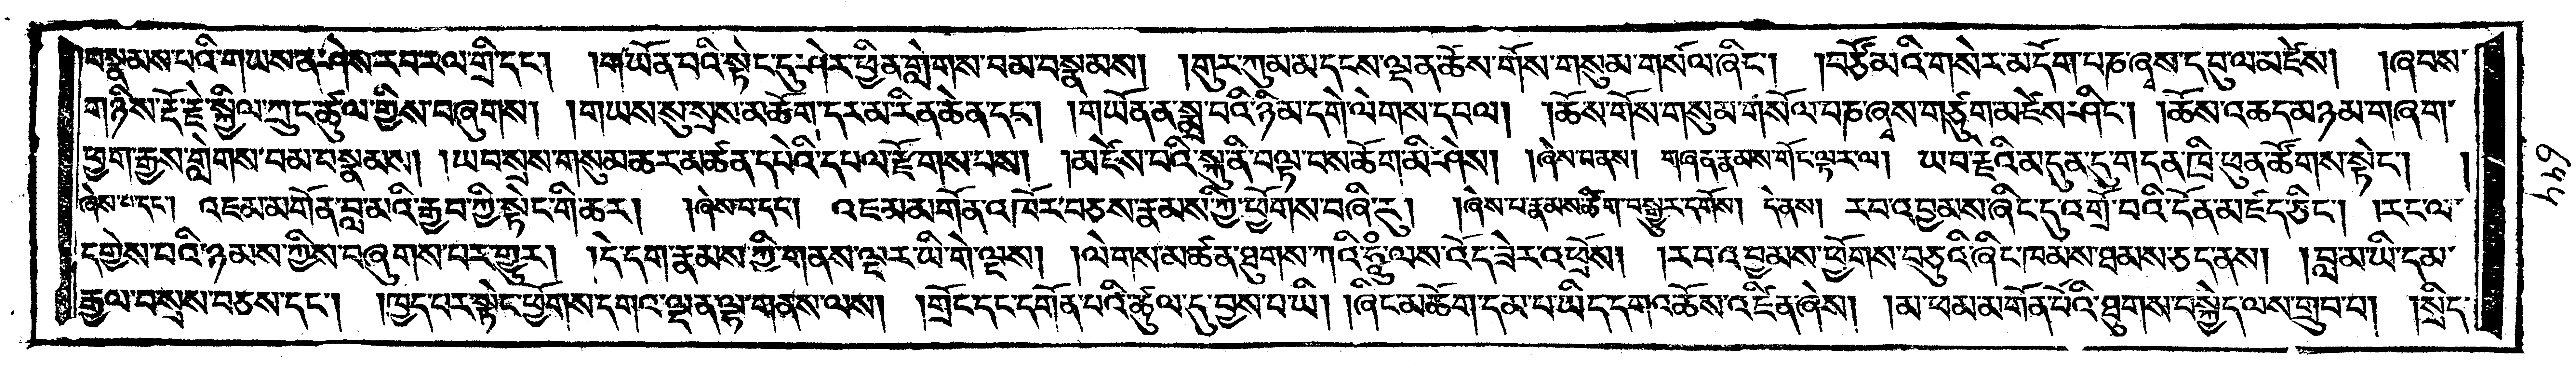བསྣམས་པའི་གཡས་ན་ཤེས་རབ་རལ་གྲི་དང་། །གཡོན་པའི་སྟེང་དུ་ཤེར་ཕྱིན་གླེགས་བམ་བསྣམས། །གུར་ཀུམ་མདངས་ལྡན་ཆོས་གོས་གསུམ་གསོལ་ཞིང་། །བཙོ་མའི་གསེར་མདོག་པཎ་ཞྭས་དབུ་ལ་མཛེས། །ཞབས་
གཉིས་རྡོ་རྗེ་སྐྱིལ་ཀྲུང་ཚུལ་གྱིས་བཞུགས། །གཡས་སུ་སྲས་མཆོག་དར་མ་རིན་ཆེན་དང་། །གཡོན་ན་སྨྲ་བའི་ཉི་མ་དགེ་ལེགས་དཔལ། །ཆོས་གོས་གསུམ་གསོལ་པཎ་ཞྭས་གཙུག་མཛེས་ཤིང་། །ཆོས་འཆད་མཉམ་གཞག་
ཕྱག་རྒྱས་གླེགས་བམ་བསྣམས། །ཡབ་སྲས་གསུམ་ཆར་མཚན་དཔེའི་དཔལ་རྫོགས་པས། །མཛེས་པའི་སྐུ་ནི་བལྟ་བས་ཆོག་མི་ཤེས། །ཞེས་པ་ནས། གཞན་རྣམས་གོང་ལྟར་ལ།  ཡབ་རྗེའི་མདུན་དུ་གདན་ཁྲི་ཕུན་ཚོགས་སྟེང་། །
ཞེས་པ་དང་། འཇམ་མགོན་བླ་མའི་རྒྱབ་ཀྱི་སྟེང་གི་ཆར། །ཞེས་པ་དང་།  འཇམ་མགོན་འཁོར་བཅས་རྣམས་ཀྱི་ཕྱོགས་བཞི་རུ། །ཞེས་པ་རྣམས་ཚིག་བསྒྱུར་དགོས། དེ་ནས།  རབ་འབྱམས་ཞིང་ཁམས་དུ་འགྲོ་བའི་དོན་མཛད་ཅིང་། །རང་ལ་
དགྱེས་པའི་ཉམས་ཀྱིས་བཞུགས་པར་གྱུར། །དེ་དག་རྣམས་ཀྱི་གནས་ལྔར་ཡི་གེ་ལྔར། །ལེགས་མཚན་ཐུགས་ཀའི་ཧཱུཾ་ལས་འོད་ཟེར་འཕྲོས། །རབ་འབྱམས་ཕྱོགས་བཅུའི་ཞིང་ཁམས་ཐམས་ཅད་ནས། །བླ་མ་ཡི་དམ་
རྒྱལ་བ་སྲས་བཅས་དང་། །ཁྱད་པར་སྟེང་ཕྱོགས་དགའ་ལྡན་ལྷ་གནས་ལས། །གྲོང་དང་དགོན་པའི་ཚུལ་དུ་བྱས་པ་ཡི། །ཞིང་མཆོག་དམ་པ་ཡིད་དགའ་ཆོས་འཛིན་ཞེས། །མ་ཕམ་མགོན་པོའི་ཐུགས་བསྐྱེད་ལས་གྲུབ་པ། །སྲིད་